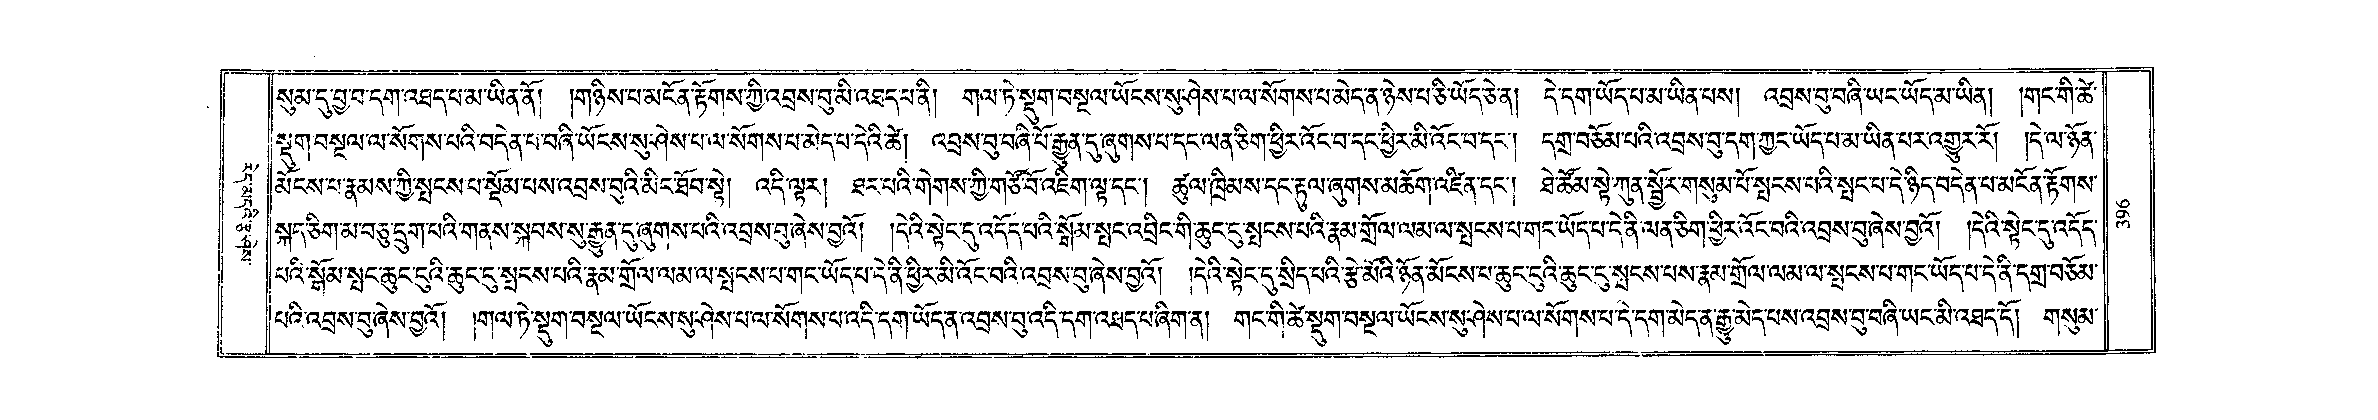སུམ་དུ་བྱ་བ་དག་འཐད་པ་མ་ཡིན་ནོ། །གཉིས་པ་མངོན་རྟོགས་ཀྱི་འབྲས་བུ་མི་འཐད་པ་ནི། གལ་ཏེ་སྡུག་བསྔལ་ཡོངས་སུ་ཤེས་པ་ལ་སོགས་པ་མེད་ན་ཉེས་པ་ཅི་ཡོད་ཅེ་ན། དེ་དག་ཡོད་པ་མ་ཡིན་པས། འབྲས་བུ་བཞི་ཡང་ཡོད་མ་ཡིན། །གང་གི་ཚེ་
སྡུག་བསྔལ་ལ་སོགས་པའི་བདེན་པ་བཞི་ཡོངས་སུ་ཤེས་པ་ལ་སོགས་པ་མེད་པ་དེའི་ཚེ། འབྲས་བུ་བཞི་པོ་རྒྱུན་དུ་ཞུགས་པ་དང་ལན་ཅིག་ཕྱིར་འོང་བ་དང་ཕྱིར་མི་འོང་བ་དང་། དགྲ་བཅོམ་པའི་འབྲས་བུ་དག་ཀྱང་ཡོད་པ་མ་ཡིན་པར་འགྱུར་རོ། །དེ་ལ་ཉོན་
མོངས་པ་རྣམས་ཀྱི་སྤངས་པ་སྡོམ་པས་འབྲས་བུའི་མིང་ཐོབ་སྟེ། འདི་ལྟར། ཐར་པའི་གེགས་ཀྱི་གཙོ་བོ་འཇིག་ལྟ་དང་། ཚུལ་ཁྲིམས་དང་རྟུལ་ཞུགས་མཆོག་འཛིན་དང་། ཐེ་ཚོམ་སྟེ་ཀུན་སྦྱོར་གསུམ་པོ་སྤངས་པའི་སྤང་པ་དེ་ཉིད་བདེན་པ་མངོན་རྟོགས་
སྐད་ཅིག་མ་བཅུ་དྲུག་པའི་གནས་སྐབས་སུ་རྒྱུན་དུ་ཞུགས་པའི་འབྲས་བུ་ཞེས་བྱའོ། །དེའི་སྟེང་དུ་འདོད་པའི་སྒོམ་སྤང་འབྲིང་གི་ཆུང་ངུ་སྤངས་པའི་རྣམ་གྲོལ་ལམ་ལ་སྤངས་པ་གང་ཡོད་པ་དེ་ནི་ལན་ཅིག་ཕྱིར་འོང་བའི་འབྲས་བུ་ཞེས་བྱའོ། །དེའི་སྟེང་དུ་འདོད་
པའི་སྒོམ་སྤང་ཆུང་ངུའི་ཆུང་ངུ་སྤངས་པའི་རྣམ་གྲོལ་ལམ་ལ་སྤངས་པ་གང་ཡོད་པ་དེ་ནི་ཕྱིར་མི་འོང་བའི་འབྲས་བུ་ཞེས་བྱའོ། །དེའི་སྟེང་དུ་སྲིད་པའི་རྩེ་མོའི་ཉོན་མོངས་པ་ཆུང་ངུའི་ཆུང་ངུ་སྤངས་པས་རྣམ་གྲོལ་ལམ་ལ་སྤངས་པ་གང་ཡོད་པ་དེ་ནི་དགྲ་བཅོམ་
པའི་འབྲས་བུ་ཞེས་བྱའོ། །གལ་ཏེ་སྡུག་བསྔལ་ཡོངས་སུ་ཤེས་པ་ལ་སོགས་པ་འདི་དག་ཡོད་ན་འབྲས་བུ་འདི་དག་འཐད་པ་ཞིག་ན། གང་གི་ཚེ་སྡུག་བསྔལ་ཡོངས་སུ་ཤེས་པ་ལ་སོགས་པ་དེ་དག་མེད་ན་རྒྱུ་མེད་པས་འབྲས་བུ་བཞི་ཡང་མི་འཐད་དོ། གསུམ་